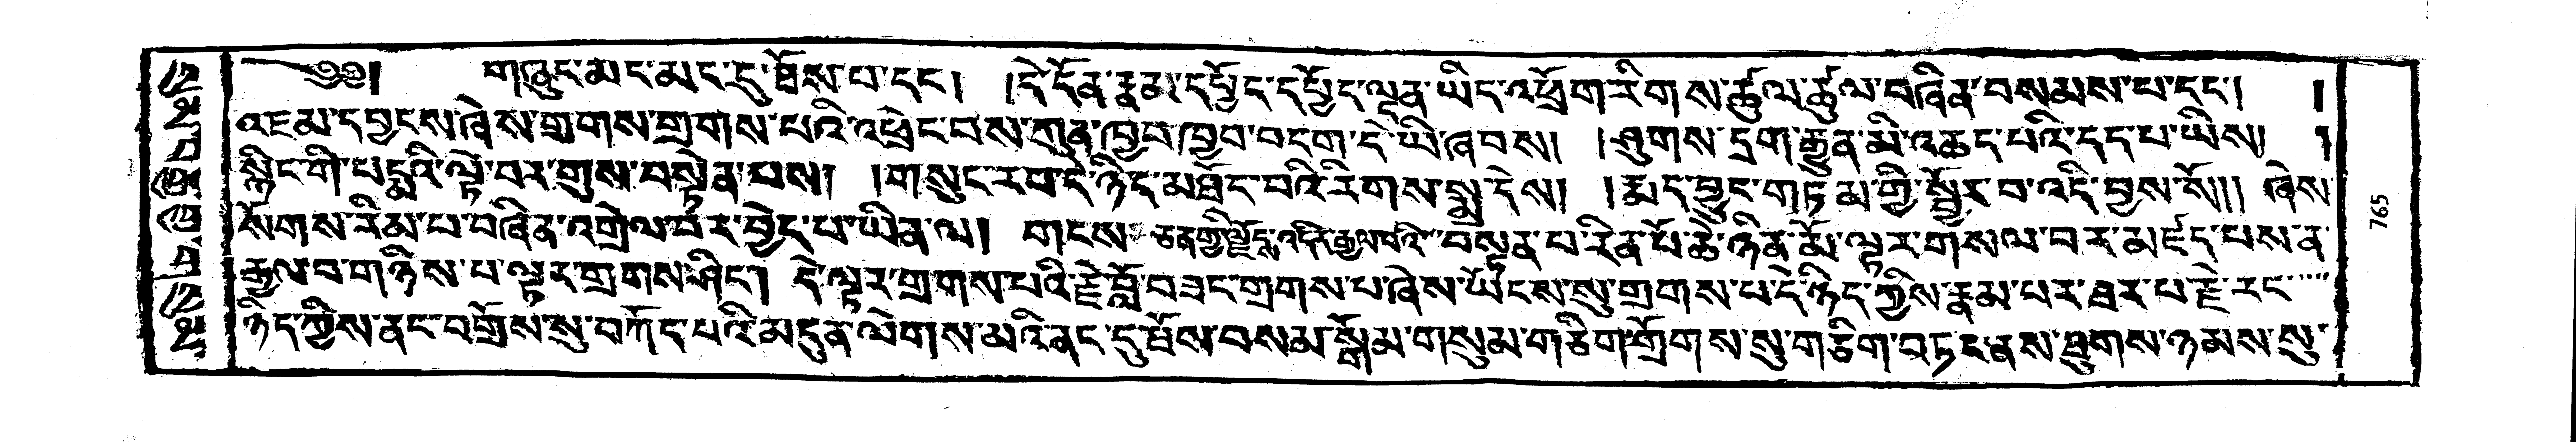༄༅། །གཞུང་མང་མང་དུ་ཐོས་པ་དང་། །དེ་དོན་རྣམ་དཔྱོད་དཔྱོད་ལྡན་ཡིད་འཕྲོག་རིགས་ཚུལ་ཚུལ་བཞིན་བསམས་པ་དང་། །
འཇམ་དབྱངས་ཞེས་གྲགས་གྲགས་པའི་འཕྲེང་བས་ཀུན་ཁྱབ་ཁྱབ་བདག་དེ་ཡི་ཞབས། །ཤུགས་དྲག་རྒྱུན་མི་འཆད་པའི་དད་པ་ཡིས། །
སྙིང་གི་པདམའི་ལྟེ་བར་གུས་བསྟེན་པས། །གསུང་རབ་དེ་ཉིད་མཐོང་བའི་རིགས་སྨྲ་དེས། །རྨད་བྱུང་གཏམ་གྱི་སྦྱོར་བ་འདི་བྱས་སོ།། ཞེས་
སོགས་རིམ་པ་བཞིན་འགྲེལ་བར་བྱེད་པ་ཡིན་ལ། གངས་ཅན་གྱི་ལྗོངས་འདིར་རྒྱལ་བའི་བསྟན་པ་རིན་པོ་ཆེ་ཉིན་མོ་ལྟར་གསལ་བར་མཛད་པས་ན་
རྒྱལ་བ་གཉིས་པ་ལྟར་གྲགས་ཤིང་། དེ་ལྟར་གྲགས་པའི་རྗེ་བློ་བཟང་གྲགས་པ་ཞེས་ཡོངས་སུ་གྲགས་པ་དེ་ཉིད་ཀྱིས་རྣམ་པར་ཐར་པ་རྗེ་རང་
ཉིད་ཀྱིས་ནང་བགྲོས་སུ་བཀོད་པའི་མདུན་ལེགས་མའི་ནང་དུ་ཐོས་བསམ་སྒོམ་གསུམ་གཅིག་གྲོགས་སུ་གཅིག་བཏང་ནས་ཐུགས་ཉམས་སུ་